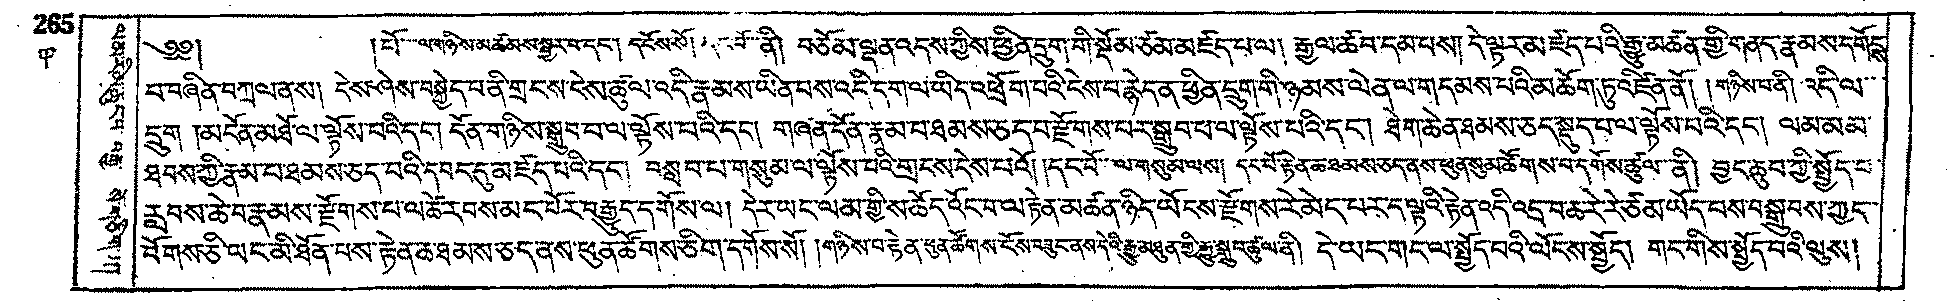༄༅། །པོལ་གཉིས་མཚམས་སྦྱར་བ་དང་། དངོས་སོ། །དང་པོནི། བཅོམ་ལྡན་འདས་ཀྱིས་ཕྱིན་དྲུག་གི་སྡོམ་ཙམ་མཛད་པ་ལ། རྒྱལ་ཚབ་དམ་པས། དེ་ལྟར་མཛད་པའི་རྒྱུ་མཚན་གྱི་གནད་རྣམས་དགོངས་
པ་བཞིན་བཀྲལ་ནས། ངེས་ཤེས་བསྐྱེད་པ་ནི་གྲངས་ངེས་ཚུལ་འདི་རྣམས་ཡིན་པས་འདི་དག་ལ་ཡིད་འཕྲོག་པའི་ངེས་པ་རྙེད་ན་ཕྱིན་དྲུག་གི་ཉམས་ལེན་ལ་གདམས་པའི་མཆོག་ཏུ་འཛིན་ནོ། །གཉིས་པ་ནི།  འདི་ལ་
དྲུག །མངོན་མཐོ་ལ་ལྟོས་པའི་དང་། དོན་གཉིས་སྒྲུབ་པ་ལ་ལྟོས་པའི་དང་། གཞན་དོན་རྣམ་པ་ཐམས་ཅད་པ་རྫོགས་པར་སྒྲུབ་པ་ལ་ལྟོས་པའི་དང་། ཐེག་ཆེན་ཐམས་ཅད་སྡུད་པ་ལ་ལྟོས་པའི་དང་། ལམ་མམ་
ཐབས་ཀྱི་རྣམ་པ་ཐམས་ཅད་པའི་དབང་དུ་མཛད་པའི་དང་། བསླབ་པ་གསུམ་ལ་ལྟོས་པའི་གྲངས་ངེས་པའོ། །དང་པོལ་གསུམ་ལས། དང་པོ་རྟེན་ཆ་ཐམས་ཅད་ནས་ཕུན་སུམ་ཚོགས་པ་དགོས་ཚུལནི། བྱང་ཆུབ་ཀྱི་སྤྱོད་པ་
རླབས་ཆེ་བ་རྣམས་རྫོགས་པ་ལ་ཚེ་རབས་མང་པོར་བརྒྱུད་དགོས་ལ། དེར་ཡང་ལམ་གྱི་ས་ཆོད་འོང་བ་ལ་རྟེན་མཚན་ཉིད་ཡོངས་རྫོགས་རེ་མེད་པར་ད་ལྟའི་རྟེན་འདི་འདྲ་བ་ཆ་རེ་རེ་ཙམ་ཡོད་པས་བསྒྲུབས་ཀྱང་
བོགས་ཅི་ཡང་མི་ཐོན་པས་རྟེན་ཆ་ཐམས་ཅད་ནས་ཕུན་ཚོགས་ཅིག་དགོས་སོ། །གཉིས་པ་རྟེན་ཕུན་ཚོགས་ངོས་བཟུང་ནས་དེའི་རྒྱུ་མཐུན་གྱི་རྒྱུ་སྒྲུབ་ཚུལ་ནི།  དེ་ཡང་གང་ལ་སྤྱོད་པའི་ལོངས་སྤྱོད། གང་གིས་སྤྱོད་པའི་ལུས།